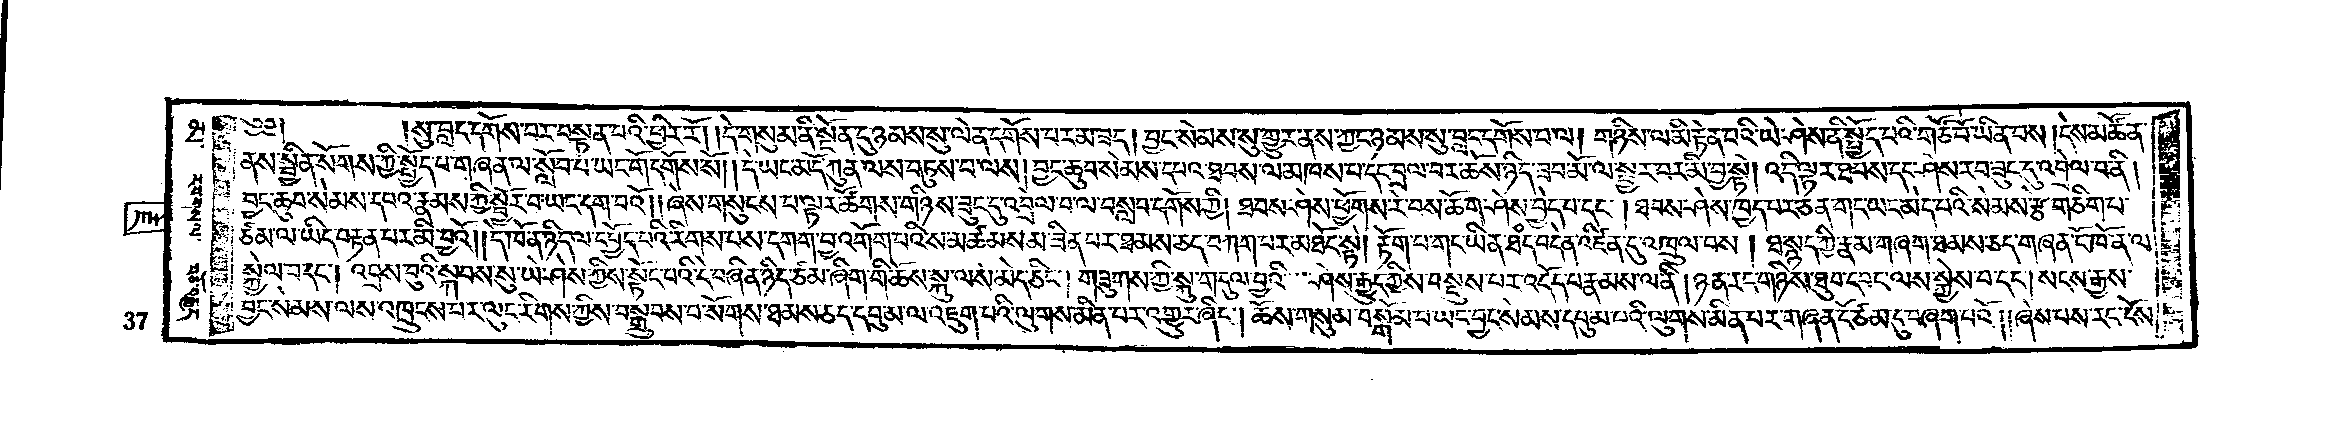༄༅། །སུ་བླང་དགོས་པར་བསྟན་པའི་ཕྱིར་རོ། །དེ་གསུམ་ནི་སྔོན་དུ་ཉམས་སུ་ལེན་དགོས་པར་མ་ཟད། བྱང་སེམས་སུ་གྱུར་ནས་ཀྱང་ཉམས་སུ་བླང་དགོས་པ་ལ། གཉིས་ལ་མི་རྟེན་པའི་ཡེ་ཤེས་ནི་སྤྱོད་པའི་གཙོ་བོ་ཡིན་པས། དེས་མཚོན་
ནས་སྦྱིན་སོགས་ཀྱི་སྤྱོད་པ་གཞན་ལ་སློབ་པ་ཡང་གོ་དགོས་སོ། །དེ་ཡང་མདོ་ཀུན་ལས་བཏུས་པ་ལས། བྱང་ཆུབ་སེམས་དཔའ་ཐབས་ལ་མཁས་པ་དང་བྲལ་བར་ཆོས་ཉིད་ཟབ་མོ་ལ་སྦྱར་བར་མི་བྱ་སྟེ། འདི་ལྟར་ཐབས་དང་ཤེས་རབ་ཟུང་དུ་འབྲེལ་བ་ནི།
བྱང་ཆུབ་སེམས་དཔའ་རྣམས་ཀྱི་སྦྱོར་བ་ཡང་དག་པའོ། །ཞེས་གསུངས་པ་ལྟར་ཚོགས་གཉིས་ཟུང་དུ་འབྲེལ་བ་ལ་བསླབ་དགོས་ཀྱི། ཐབས་ཤེས་ཕྱོགས་རེ་བས་ཆོག་ཤེས་བྱེད་པ་དང་། ཐབས་ཤེས་ཁྱད་པར་ཅན་གང་ཡང་མེད་པའི་སེམས་རྩེ་གཅིག་པ་
ཙམ་ལ་ཡིད་བརྟན་པར་མི་བྱའོ། །དེ་ཁོ་ན་ཉིད་ལ་དཔྱོད་པའི་རིགས་པས་དགག་བྱ་འགོག་པའི་ས་མཚམས་མ་ཟིན་པར་ཐམས་ཅད་བཀག་པར་མཐོང་སྟེ། རྟོག་པ་གང་ཡིན་ཐམས་ཅད་བདེན་འཛིན་དུ་འཁྲུལ་བས། ཐ་སྙད་ཀྱི་རྣམ་གཞག་ཐམས་ཅད་གཞན་ངོ་ཁོ་ན་ལ་
སྐྱེལ་བ་དང་། འབྲས་བུའི་སྐབས་སུ་ཡེ་ཤེས་ཀྱིས་སྟོང་པའི་དེ་བཞིན་ཉིད་ཙམ་ཞིག་གི་ཆོས་སྐུ་ལས་མེད་ཅིང་། གཟུགས་ཀྱི་སྐུ་གདུལ་བྱའི་ཤེས་རྒྱུད་ཀྱིས་བསྡུས་པར་འདོད་པ་རྣམས་ལ་ནི། ཉན་རང་གཉིས་ཐུབ་དབང་ལས་སྐྱེས་པ་དང་། སངས་རྒྱས་
བྱང་སེམས་ལས་འཁྲུངས་པར་ལུང་རིགས་ཀྱིས་བསྒྲུབས་པ་སོགས་ཐམས་ཅད་དབུ་མ་ལ་འཇུག་པའི་ལུགས་མིན་པར་འགྱུར་ཞིང་། ཆོས་གསུམ་བསྒོམ་པ་ཡང་བྱང་སེམས་དབུ་མ་པའི་ལུགས་མིན་པར་གཞན་ངོ་ཙམ་དུ་བཞག་པའོ། །ཞེས་པས་རང་ངོས་